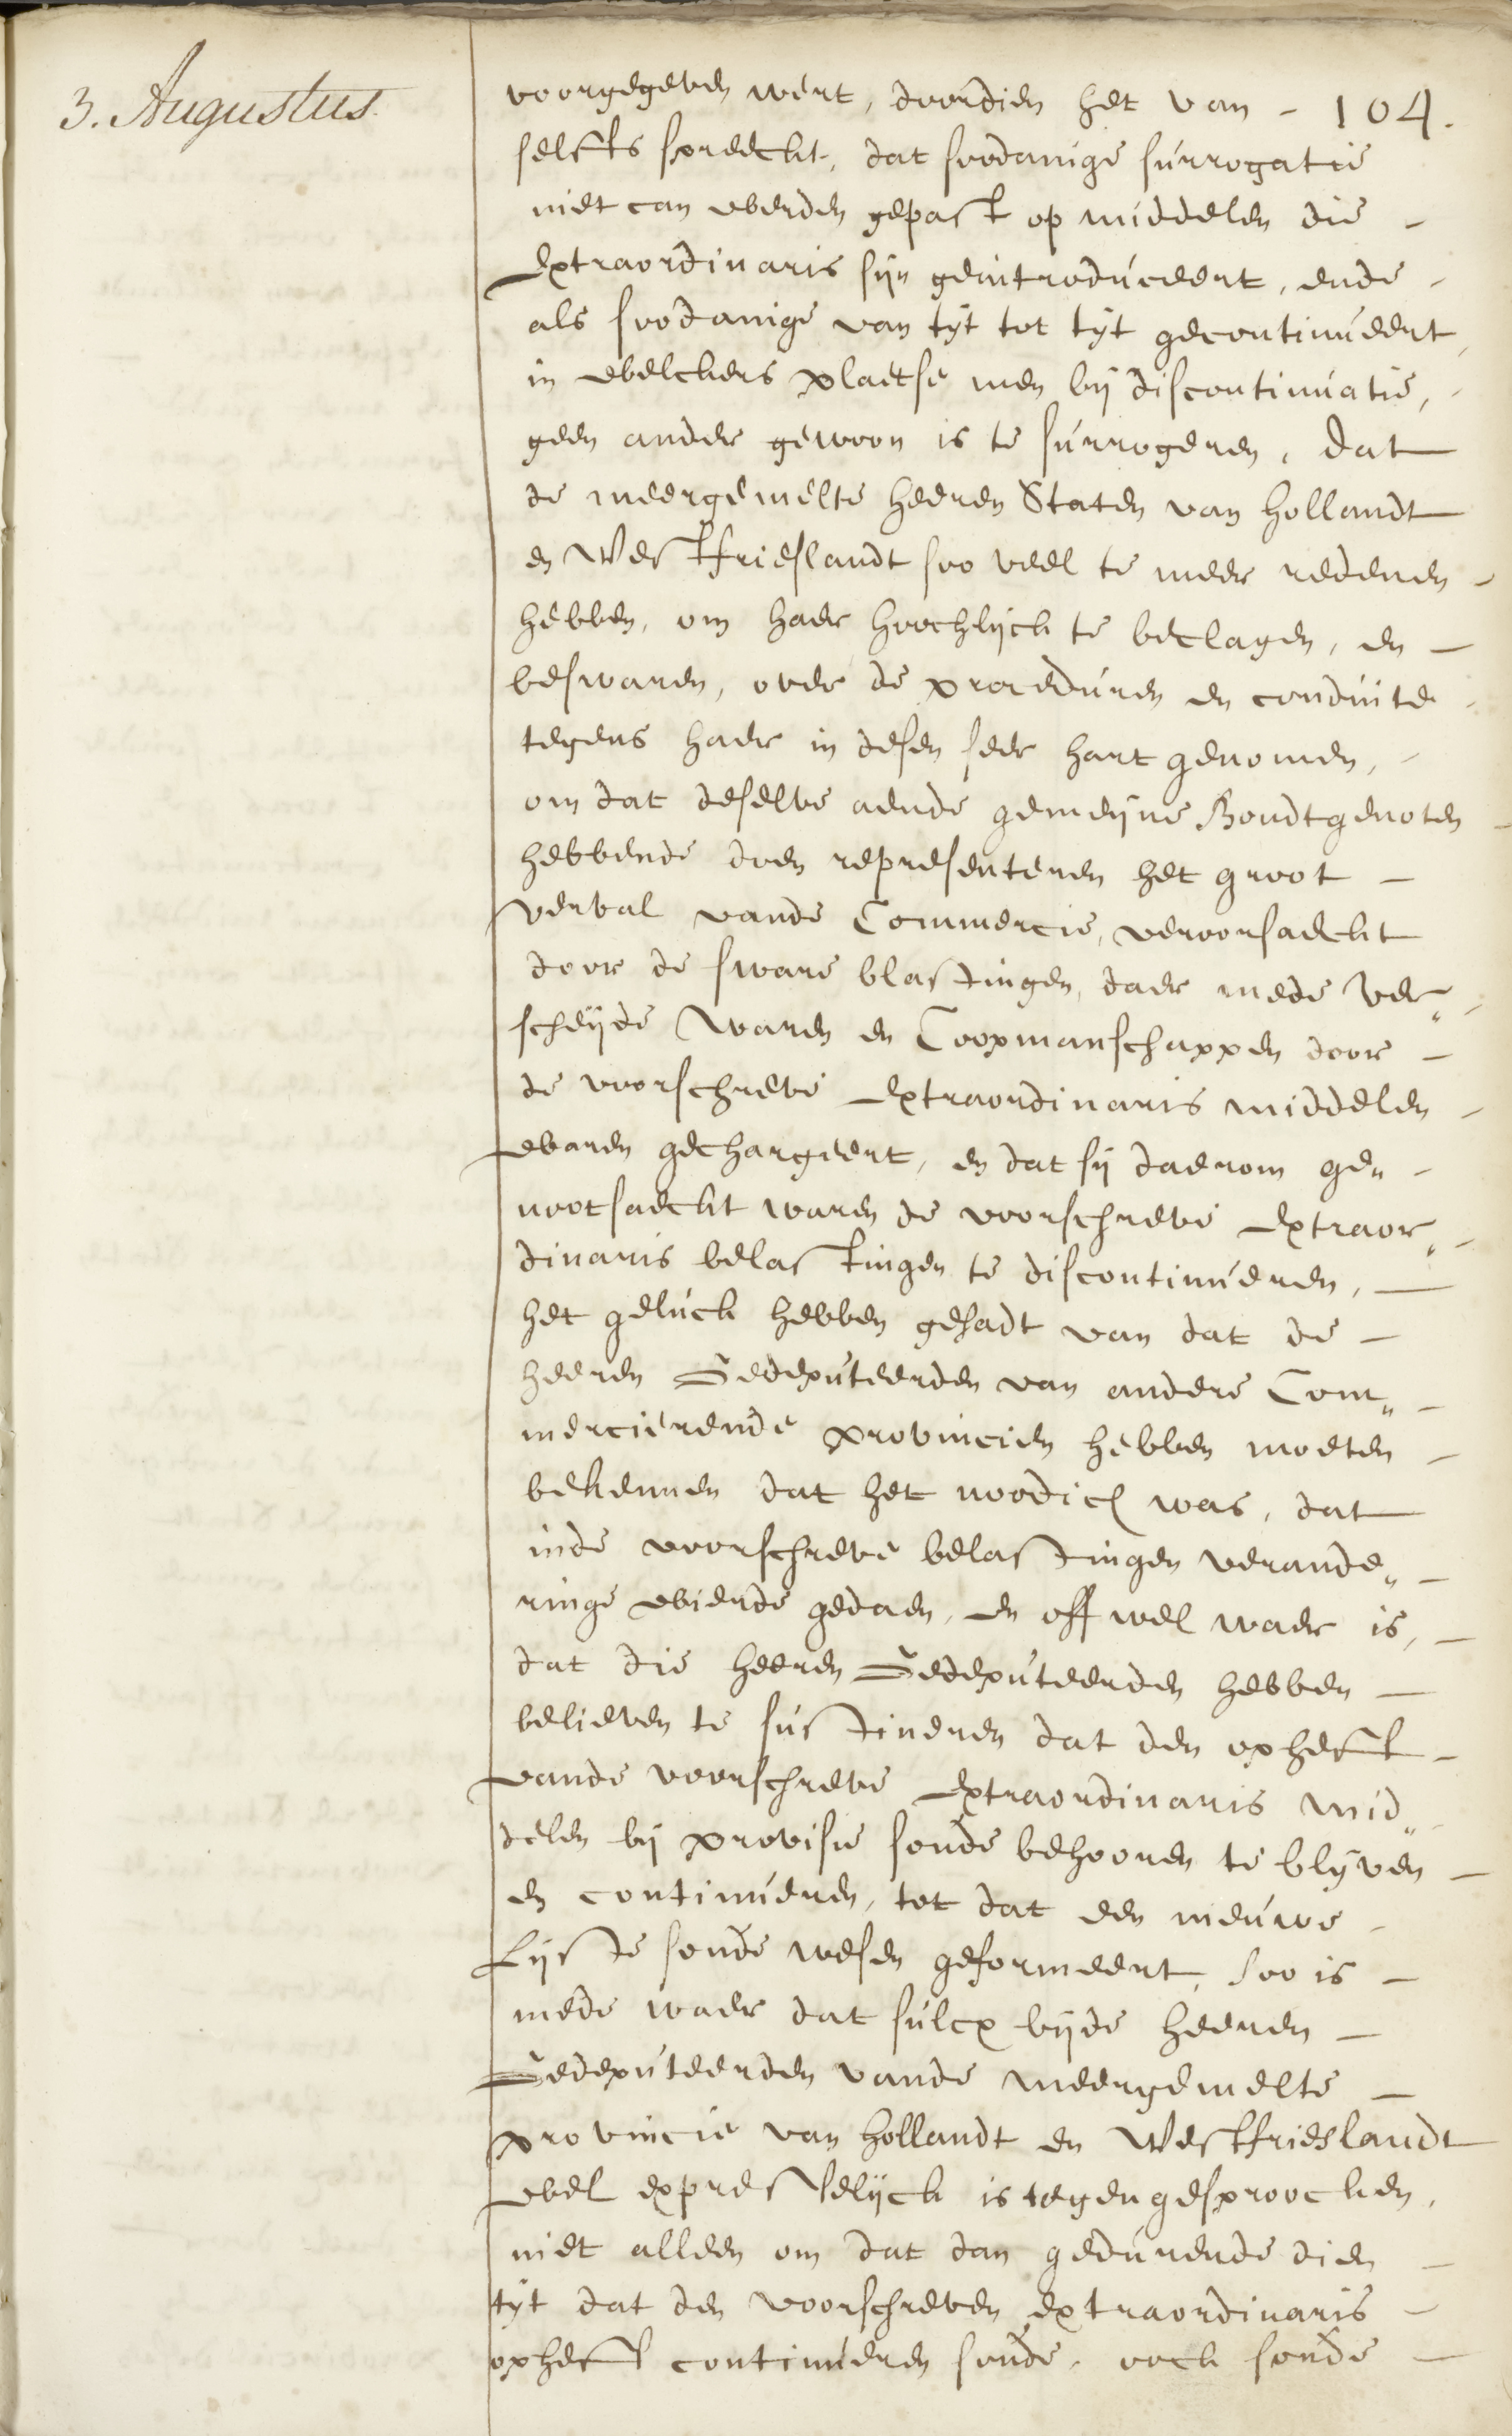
104.
3. Augustus
voorgegeven wert, doordien het van -
selffs spreeckt, dat soedanige surrogatie
niet can werden gepast op middelen die
extraordinaris sijn geintroduceert, ende
als soodanige van tijt tot tijt gecontinueert
in welckers plaetse men bij discontinuatie
geen ander gewoon is te surrogeren, dat
de meergemelte heeren Staten van hollandt
en Westfrieslandt soo veel te meer redenen
hebben, om haer hoochlijck te beclagen, en
beswaren, over de proceduren en conduite
tegens haer in desen seer hart genomen
om dat deselve aende gemeijne Bondtgenoten
hebbende doen representeren het groot
verval vande Commercie, veroorsaeckt
door de sware blastingen daer mede ver„
scheijde waren en Coopmanschappen door
de voorschreve extraordinaris middelen
waren gechargeert, en dat sij daerom ge„
nootsaeckt waren de voorschreve extraor,,
dinaris belastingen te discontinueren
het geluck hebben gehadt van dat de
heeren Gedeputeerden van andere Com„
mercierende provincien hebben moeten
bekennen dat het noodich was, dat
inde voorschreve belastingen verande„
ringe wierde gedaen, en oft wel waer is,
dat die heeren Gedeputeerden hebben
believen te sustineren dat den opheff
vande voorschreve extraordinaris mid,,
delen bij provisie soude behooren te blijven
en continueren, tot dat een nieuwe
Lijste soude wesen geformeert, soo is
mede waer dat sulcx bijde heeren
Gedeputeerden vande meergemelte
provincie van Hollandt en Westfrieslandt
wel expresselijck is tegengesproocken
niet alleen om dat dan gedurende dien
tijt dat den voorschreven extraordinaris
opheff continueren soude, oock soude
